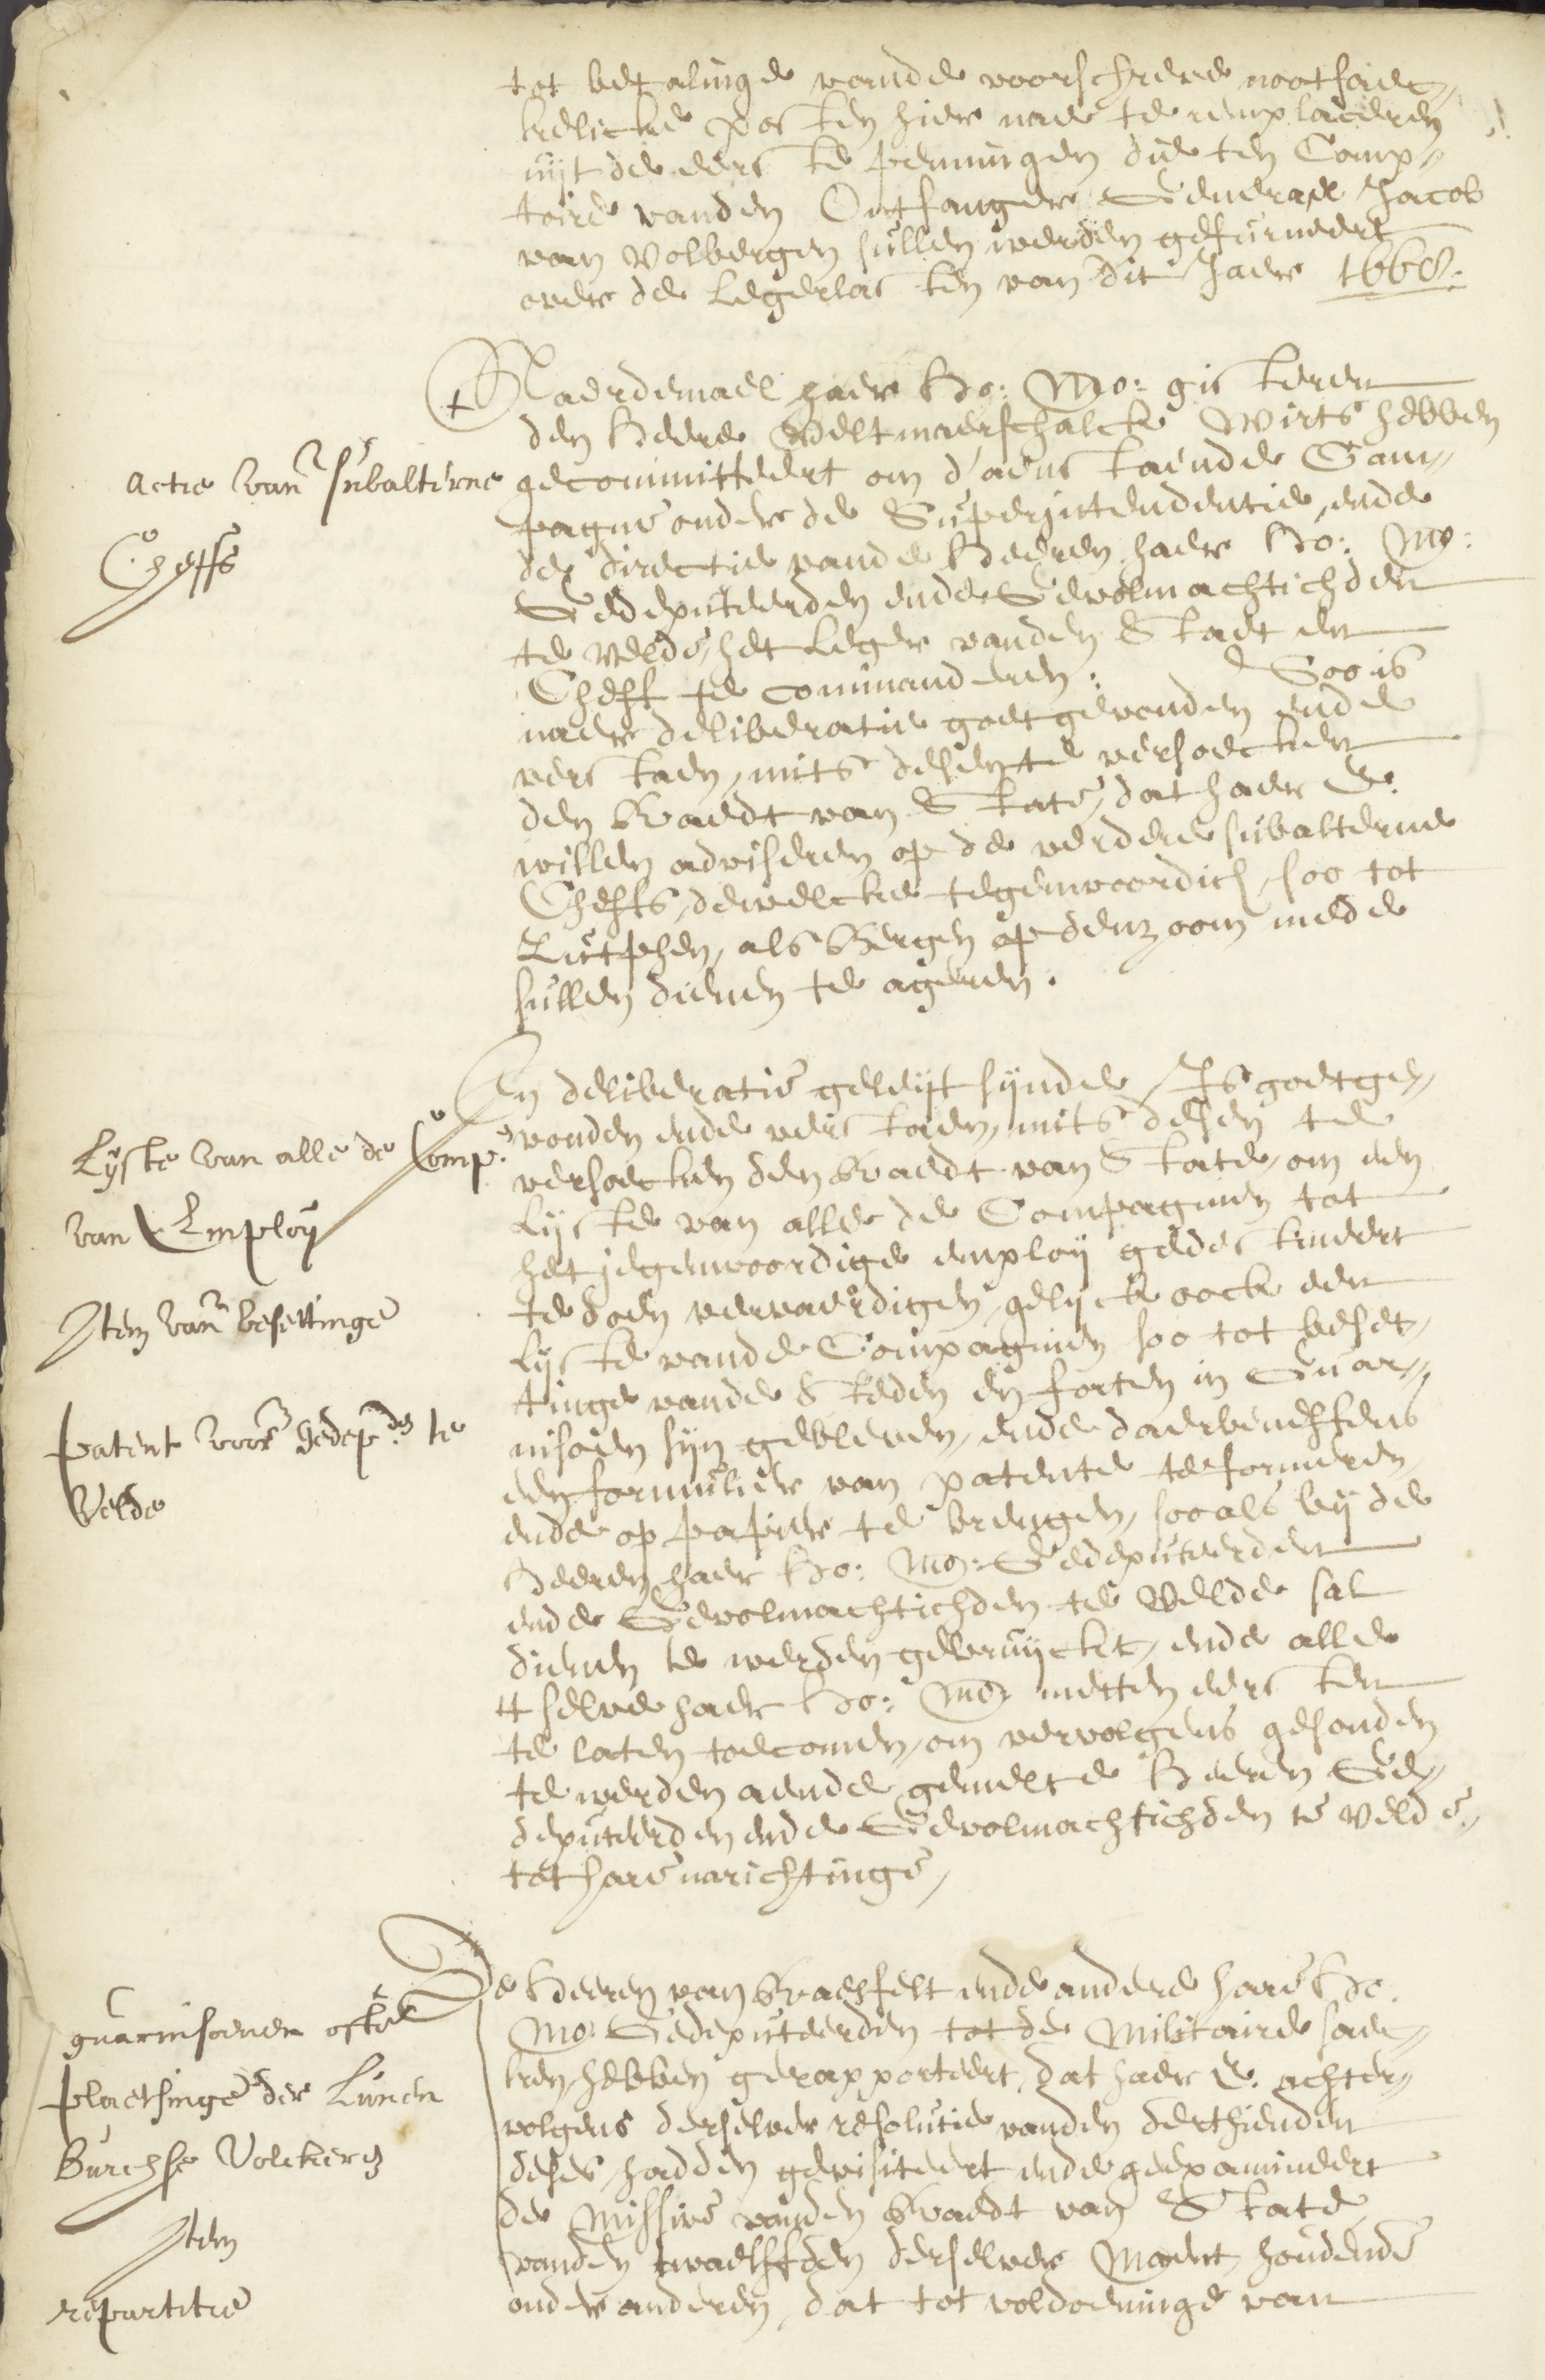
tot betalinge vande voorschreve nootsaec„
kelicke posten hier nae te remplaceren
uijt de eerste penningen die ten Comp„
toire vanden Ontfanger Generael Jacob
van Volbergen sullen werden gefurneert
over de Legerlasten van dit Jaer 1668.
actie van subalterne
Cheffs
Naerdemael haer Ho:Mo: gisteren
den heere Veltmaerschalck Wirts hebben
gecommitteert om d'aenstaende Cam,,
pagne onder de Superintendentie, ende
den directie vande Heeren haer Ho:Mo:
Gedeputeerden ende Gevolmachtichden
te Velde, het leger vanden Staet en
Cheff te commanderen: Soo is
naer deliberatie goetgevonden ende
verstaen, mits desen te versoecken
den Raedt van State, dat haer E.
willen adviseren op de verdere subalterne
Cheffs, derwelcke tegenwoordich, soo tot
Zutphen, als Bergen op den zoom mede
sullen dienen te ageren.
Lijste van alle de Compen.
van Emploij
Item van besettinge
Patent voor gedepden. te
Velde
In deliberatie geleijt sijnde, Is goetge,
vonden ende verstaen, mits desen te
versoecken den Raedt van State, om een
Lijste van alle de Compagnien tot
het jegenwoordige emploij gedestineert
te doen vervaerdigen, gelijck oock een
Lijste vande Compagnien soo tot beset„
tinge vande Steden en forten in Guar„
nisoen sijn gebleven, ende daerbeneffens
een formulier van patente te formeren
ende op papier te brengen, soo als bij de
heeren haer Ho:Mo: Gedeputeerden
ende Gevolmachtichden te Velde sal
dienen te werden gebruijckt, ende alle
't selve haer Ho:Mo: metten eersten
te laten toecomen, om vervolgens gesonden
te werden aende gemelte Heeren Ge,,
deputeerden ende Gevolmachtichden te Velde,
tot hare narichtinge.
guarnisoenen ofte
plaetsinge der Lunen
Burchse Volckeren
item
repartitie
De Heeren van Raesfelt ende andere hare Ho:
Mo: Gedeputeerden tot de Militaire saec,,
ken, hebben gerapporteert, dat haer E. achter„
volgens derselver resolutie vanden derthienden
deses, hadden gevisiteert ende geexamineert
de missive vanden Raedt van State
vanden twaelffden derselver maent, houdende
onder anderen, dat tot voldoeninge van
